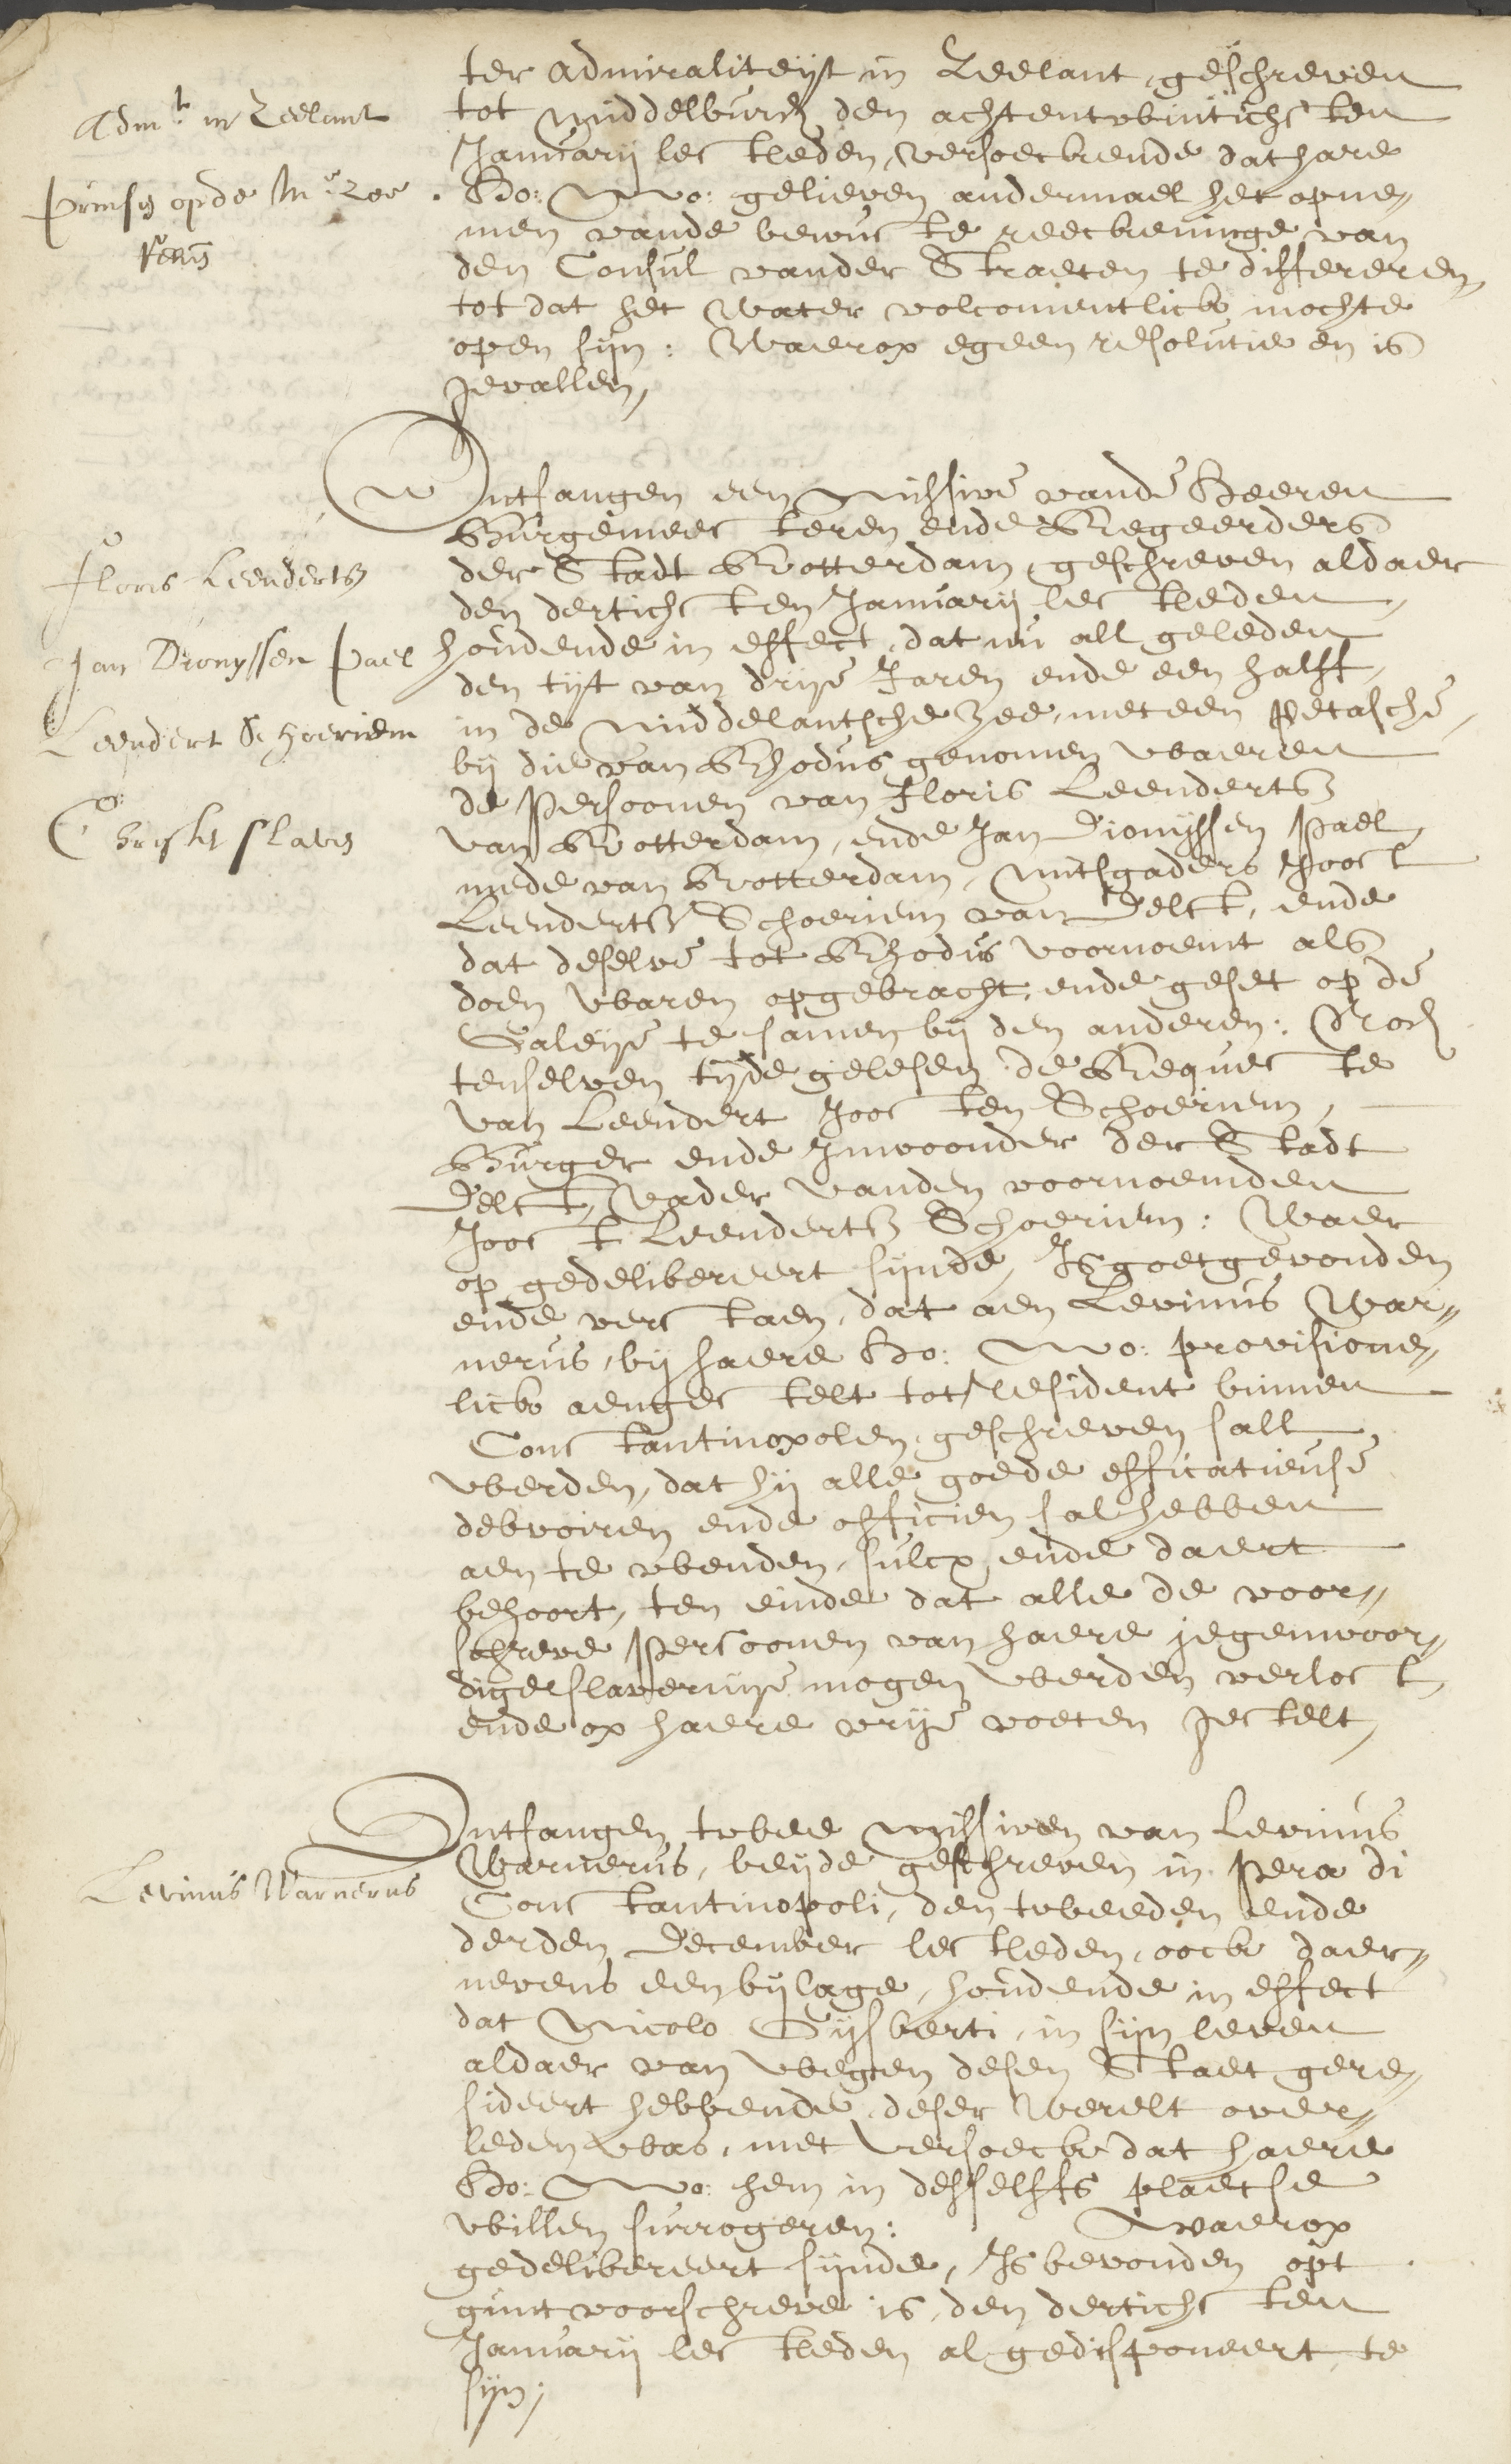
Admt. in Zeelant
Prinsen op de Me. Zee
Rekn
ter admiraliteijt in Zeelant, geschreven
tot Middelburch den achtentwintichsten
Januarij lestleden, versoeckende dat hare
Ho:Mo: gelieven andermael het opne„
men vande bewuste reeckeninge van
den Consul vander Straeten te differeren,
tot dat het Water volcomentlick mochte
open sijn: Waerop egeen resolutie en is
gevallen.
Floris Leendertsz
Jan Dionyssen Pael
Leendert Schoeriem
Christen Slaven
Ontfangen een Missive vande Heeren
Burgemeesteren ende Regeerders
der Stadt Rotterdam geschreven aldaer
den dertichsten Januarij lestleden
houdende in effect, dat nu all geleden
den tijt van drije Jaren ende een halff
in de Middelantsche Zee met een Petasche
bij die van Rhodus genomen waeren
de Persoonen van floris Leendertsz
van Rotterdam, ende Jan Dionijssen Pael
mede van Rotterdam, mitsgaders Joost
Leendertsz Schoeriem van Delft, ende
dat deselve tot Rhodus voornoemt als
doen waren opgebracht ende geset op de
Galeije te samen bij den anderen: Noch
tenselven tijde gelesen de Requeste
van Leendert Joosten Schoeriem,
Burger ende Inwoonder der Stadt
Delft, vader vanden voornoemden
Joost Leendertsz Schoeriem: Waer
op gedelibereert sijnde, Is goetgevonden
ende verstaen, dat aen Levinus War„
nerus, bij haere Ho:Mo: provisione„
lick aengestelt tot Resident binnen
Constantinopolen, geschreven sall
werden, dat hij alle goede efficatieuse
debvoiren ende officien sal hebben
aen te wenden, sulcx ende daert
behoort, ten einde dat alle de voor„
schreve Persoonen van haere jegenwoor„
digde slavernije mogen werden verlost,
ende op haere vrije voeten gestelt.
Levinus Warnerus
Ontfangen twee missiven van Levinus
Warnerus, beijde geschreven in Pera di
Constantinopoli, den tweeden ende
derden December lestleden, oock daer„
nevens een bijlage, houdende in effect
dat Nicolo Gijsberti, in sijn leven
aldaer van wegen desen Staet gere„
sideert hebbende deser Werelt over„
leden was, met versoeck dat haere
Ho:Mo: hem in desselffs plaetse
willen surrogeren: Waerop
gedelibereert sijnde, Is bevonden opt
gunt voorschreve is, den dertichsten
Januarij lestleden al gedisponeert te
sijn.
